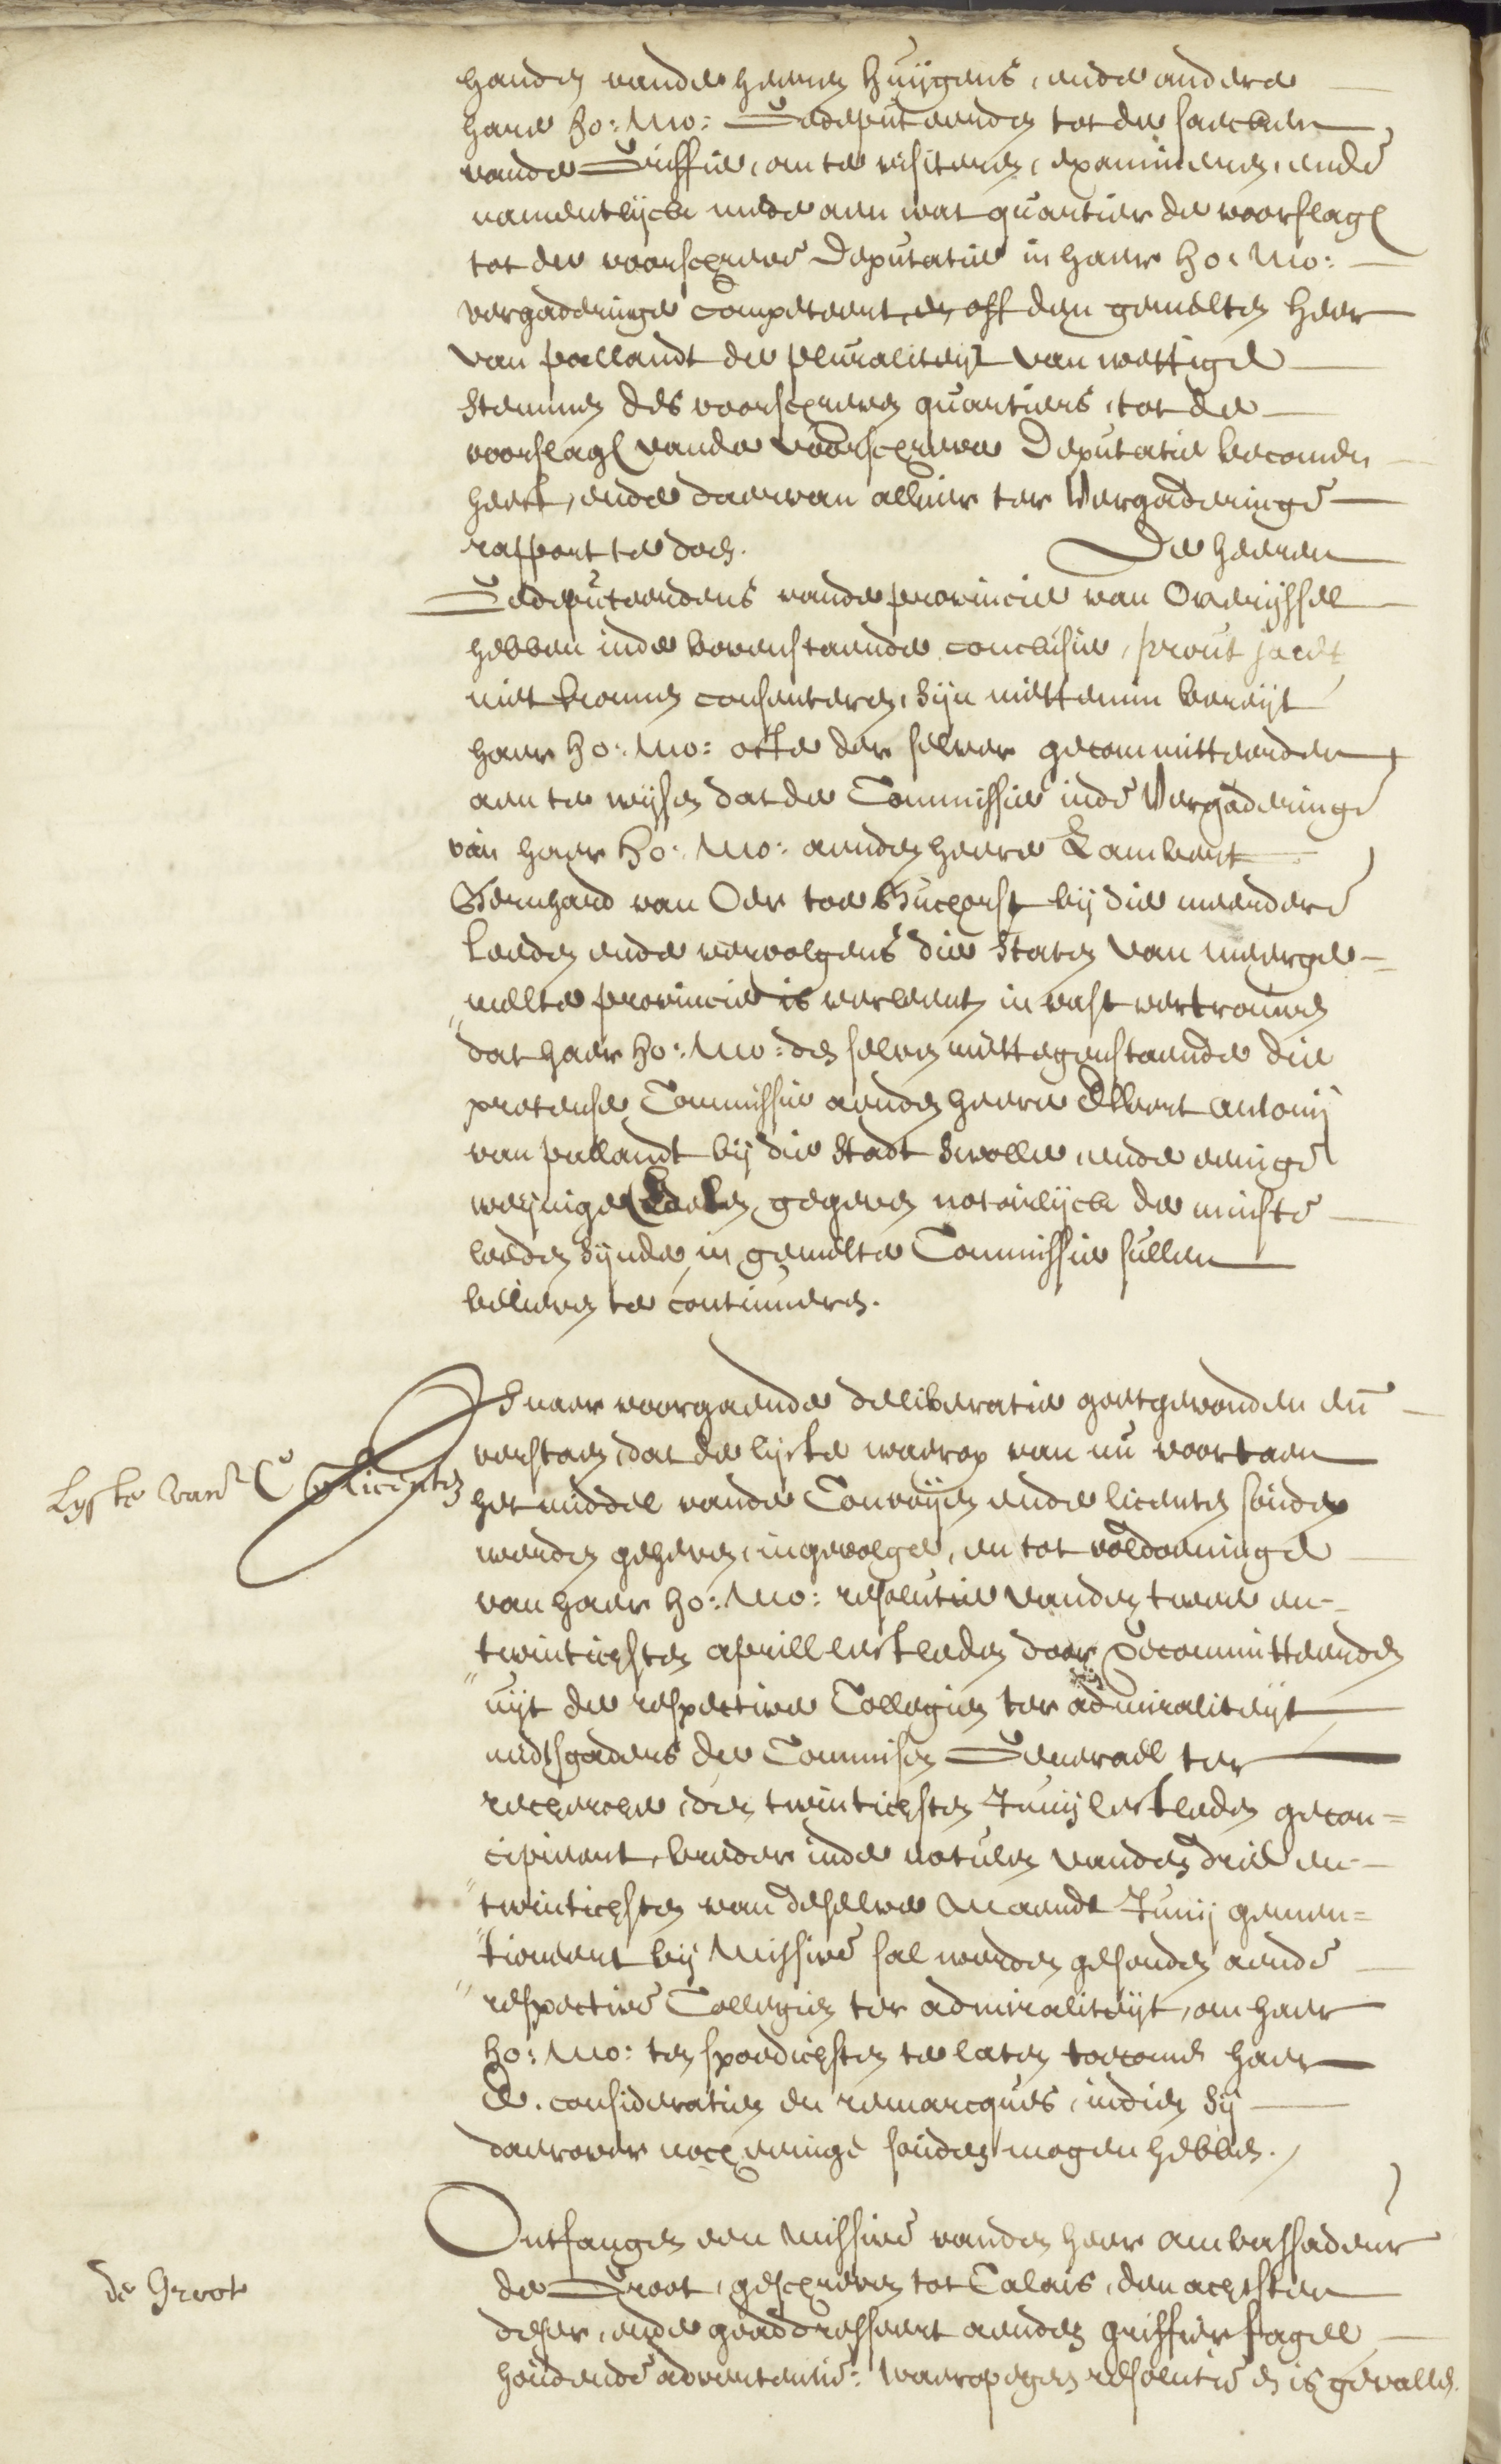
handen vande heeren Huijgens, ende andere —
hare Ho:Mo: Gedeputeerden tot de saecken
vande Griffie, om te visiteren, examineren, ende
namentlijck mede aen wat quartier de voorslagh
tot de voorschreve Deputatie in haer Ho:Mo: —
vergaderinge competeert, en off den gemelten heer
van pallandt de pluraliteijt van wettige
stemmen des voorschreven quartiers, tot de —
voorslagh vande voorschreve Deputatie becomen —
heeft, ende daervan alhier ter Vergaderinge —
rapport doen. De heeren
Gedeputeerdens vande provincie van Overijssel
hebben inde bovenstaende conclusie, prout jacet,
niet konnen consenteren, sijn niettemin bereijt
haer Ho:Mo: ofte der selver gecommitteerden
aen te wijsen dat de Commissie inde Vergaderinge
van haer Ho:Mo: aenden heere Lambert
Bernhard van Oer toe Buchorst bij die meerdere
Leeden ende vervolgens die Staten van meerge-
melte provincie is verleent in vast vertrouwen
dat haer Ho:Mo: den selven niettegenstaende die
pretense Commissie aenden heere Elbert Antonij
van pallandt bij die Stadt Swolle, ende eenige
weijnige Edelen gegeven notoirlijck die minste
leeden sijnde, in gemelte Commissie sullen
believen te continueren.
Lijste van Co & licenten
Is naer voorgaende deliberatie goetgevonden en
verstaen, dat de lijste waerop van nu voortaen
het middel van de Convoijen ende licenten souden
werden gegeven, ingevolge, en tot voldoeninge —
van haer Ho:Mo: resolutie vanden twee en-
twintichsten aprill lestleden daer sij Gecommitteerden
uijt de respective Collegien ter admiraliteijt
midtsgaders de Commisen Generael ter
recherche, den twintichsten Junij lestleden gecon=
cipieert, breder inde notulen vanden drie en-
twintichsten van deselve maendt Junij gemen=
tioneert bij Missive sal werden gesonden aende —
respective Collegien ter admiraliteijt, om haer
Ho:Mo: ten spoedichsten te laten toecomen haer
E. consideratien en remarques, indien sij —
daerover noch eenige souden mogen hebben.
de Groot
Ontfangen een missive vanden heer ambassadeur
de Groot, geschreven tot Calais, den achtsten
deser, ende geadresseert aenden griffier Fagel, —
houdende advertentie: waerop egeen resolutie en is gevallen.
